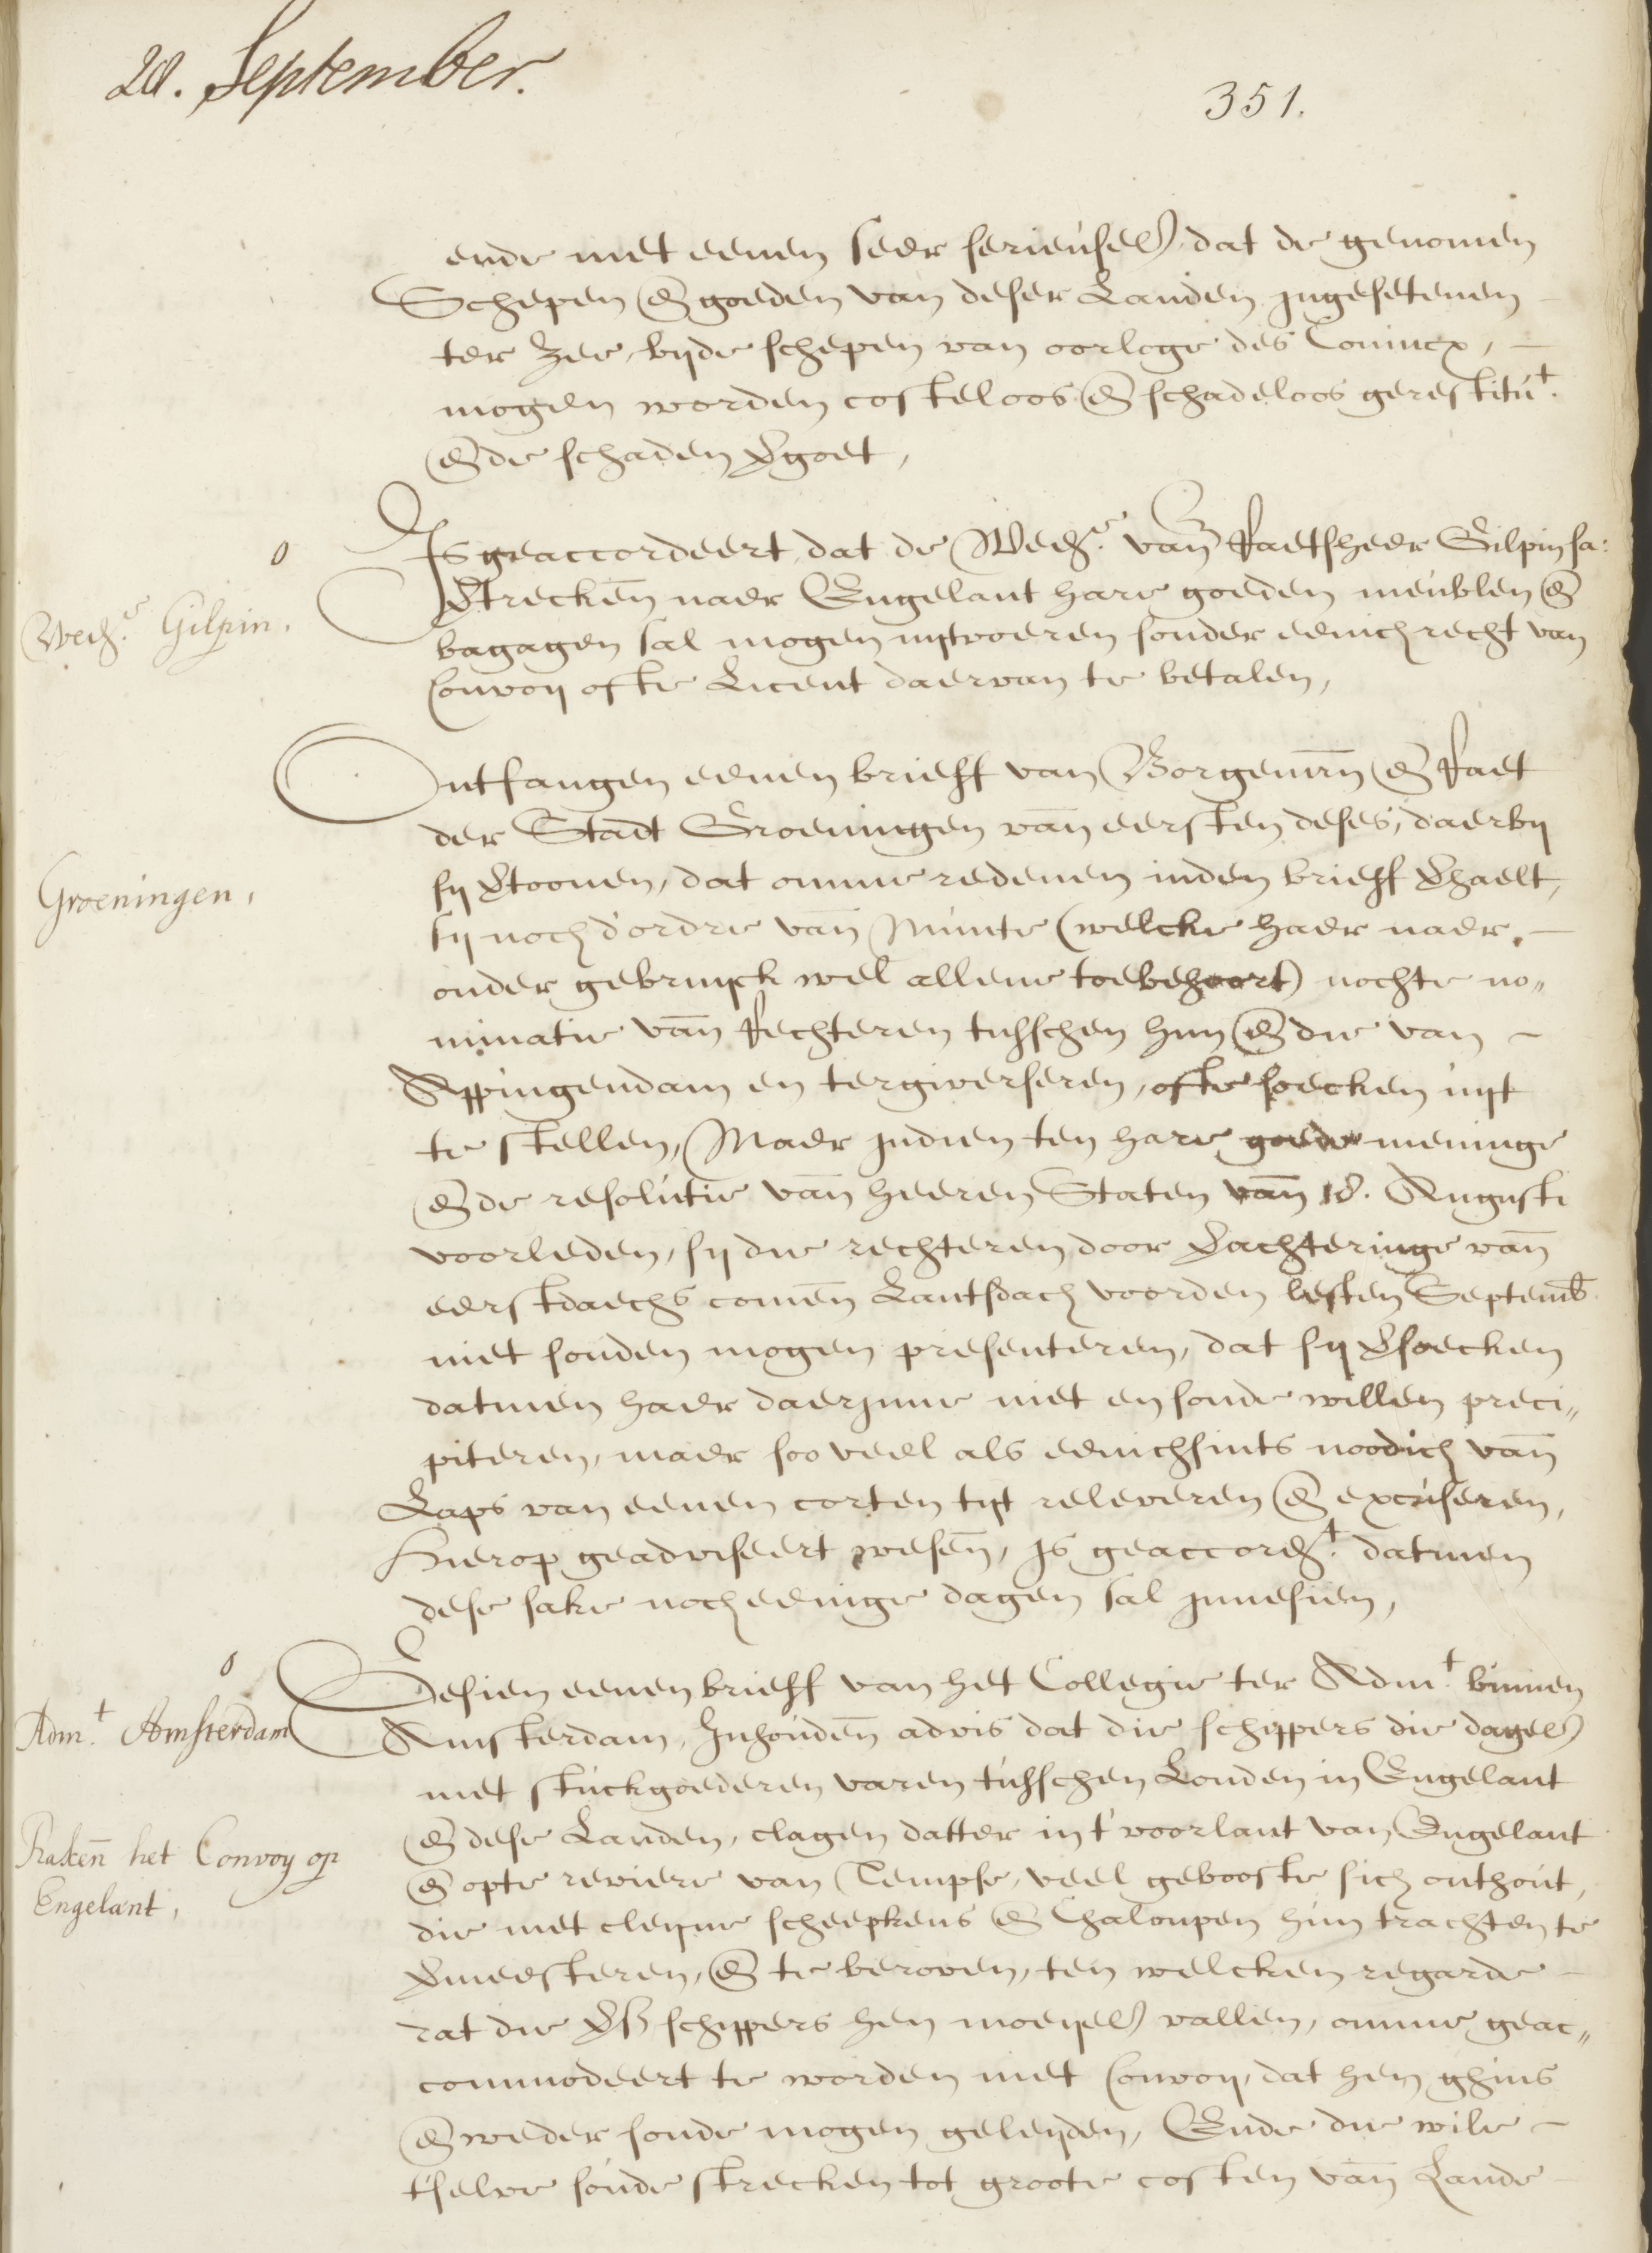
351.
28. September.
ende met eenen seer serieusel, dat de genomen
Schepen & goeden van deser Landen Ingesetenen
ter zee, byde schepen van oorloge des Conincx,
mogen worden costeloos & schadeloos gerestitut.
& de schaden vgoet.
Wede. Gilpin
Is geaccordeert dat de Wede. van Raetsheer Gilpin sa:
vtrecken naer Engelant hare goeden meublen &
bagagen sal mogen uytvoeren sonder eenich recht van
Convoy ofte Licent daervan te betalen.
Groeningen.
Ontfangen eenen brieff van Borgemrn & Raet
der Stadt Groeningen van eersten deses, daerby
sy vtoonen, dat omme redenen inden brieff vhaelt,
sy noch d'ordre van munte (welcke haer naer
ouder gebruyck wel allene toebehoort) nochte no,,
minatie van Rechteren tusschen hun & die van
Appingedam en tergiverseren, ofte soecken uyt
te stellen, Maer Indien ten hare goede meninge
& de resolutie van heeren Staten van 18. Augusti
voorleden, sy die rechteren door vachteringe van
eerstdaechs comen Lantsdach voorden lesten Septemb
niet souden mogen presenteren, dat sy vsoecken
datmen haer daerinne niet en soude willen preci,,
piteren, maer soo veel als eenichsints noodich van
Laps van eenen corten tyt releveren & excuseren,
Hierop geadviseert wesen, Is geaccordt. datmen
dese sake noch eenige dagen sal Innesien.
Admt. Amsterdam
Raken het Convoy op
Engelant.
Gesien eenen brieff van het Collegie ter Admt. binnen
Amsterdam, Inhouden advis dat die schippers die dagel
met stuckgoederen varen tusschen Londen in Engelant
& dese Landen, clagen datter in t'voorlant van Engelant
& opte reviere van Tempse, veel gebooste sich onthout,
die met cleyne scheepkens & Chaloupen hun trachten te
vmeesteren, & te beroven, ten welcken regarde
dat die vs schippers hen moeyel vallen, omme geac,,
commodeert te worden met Convoy, dat hen ghins
& weder soude mogen geleyden. Ende die wile
t'selve soude strecken tot groote costen van Lande
